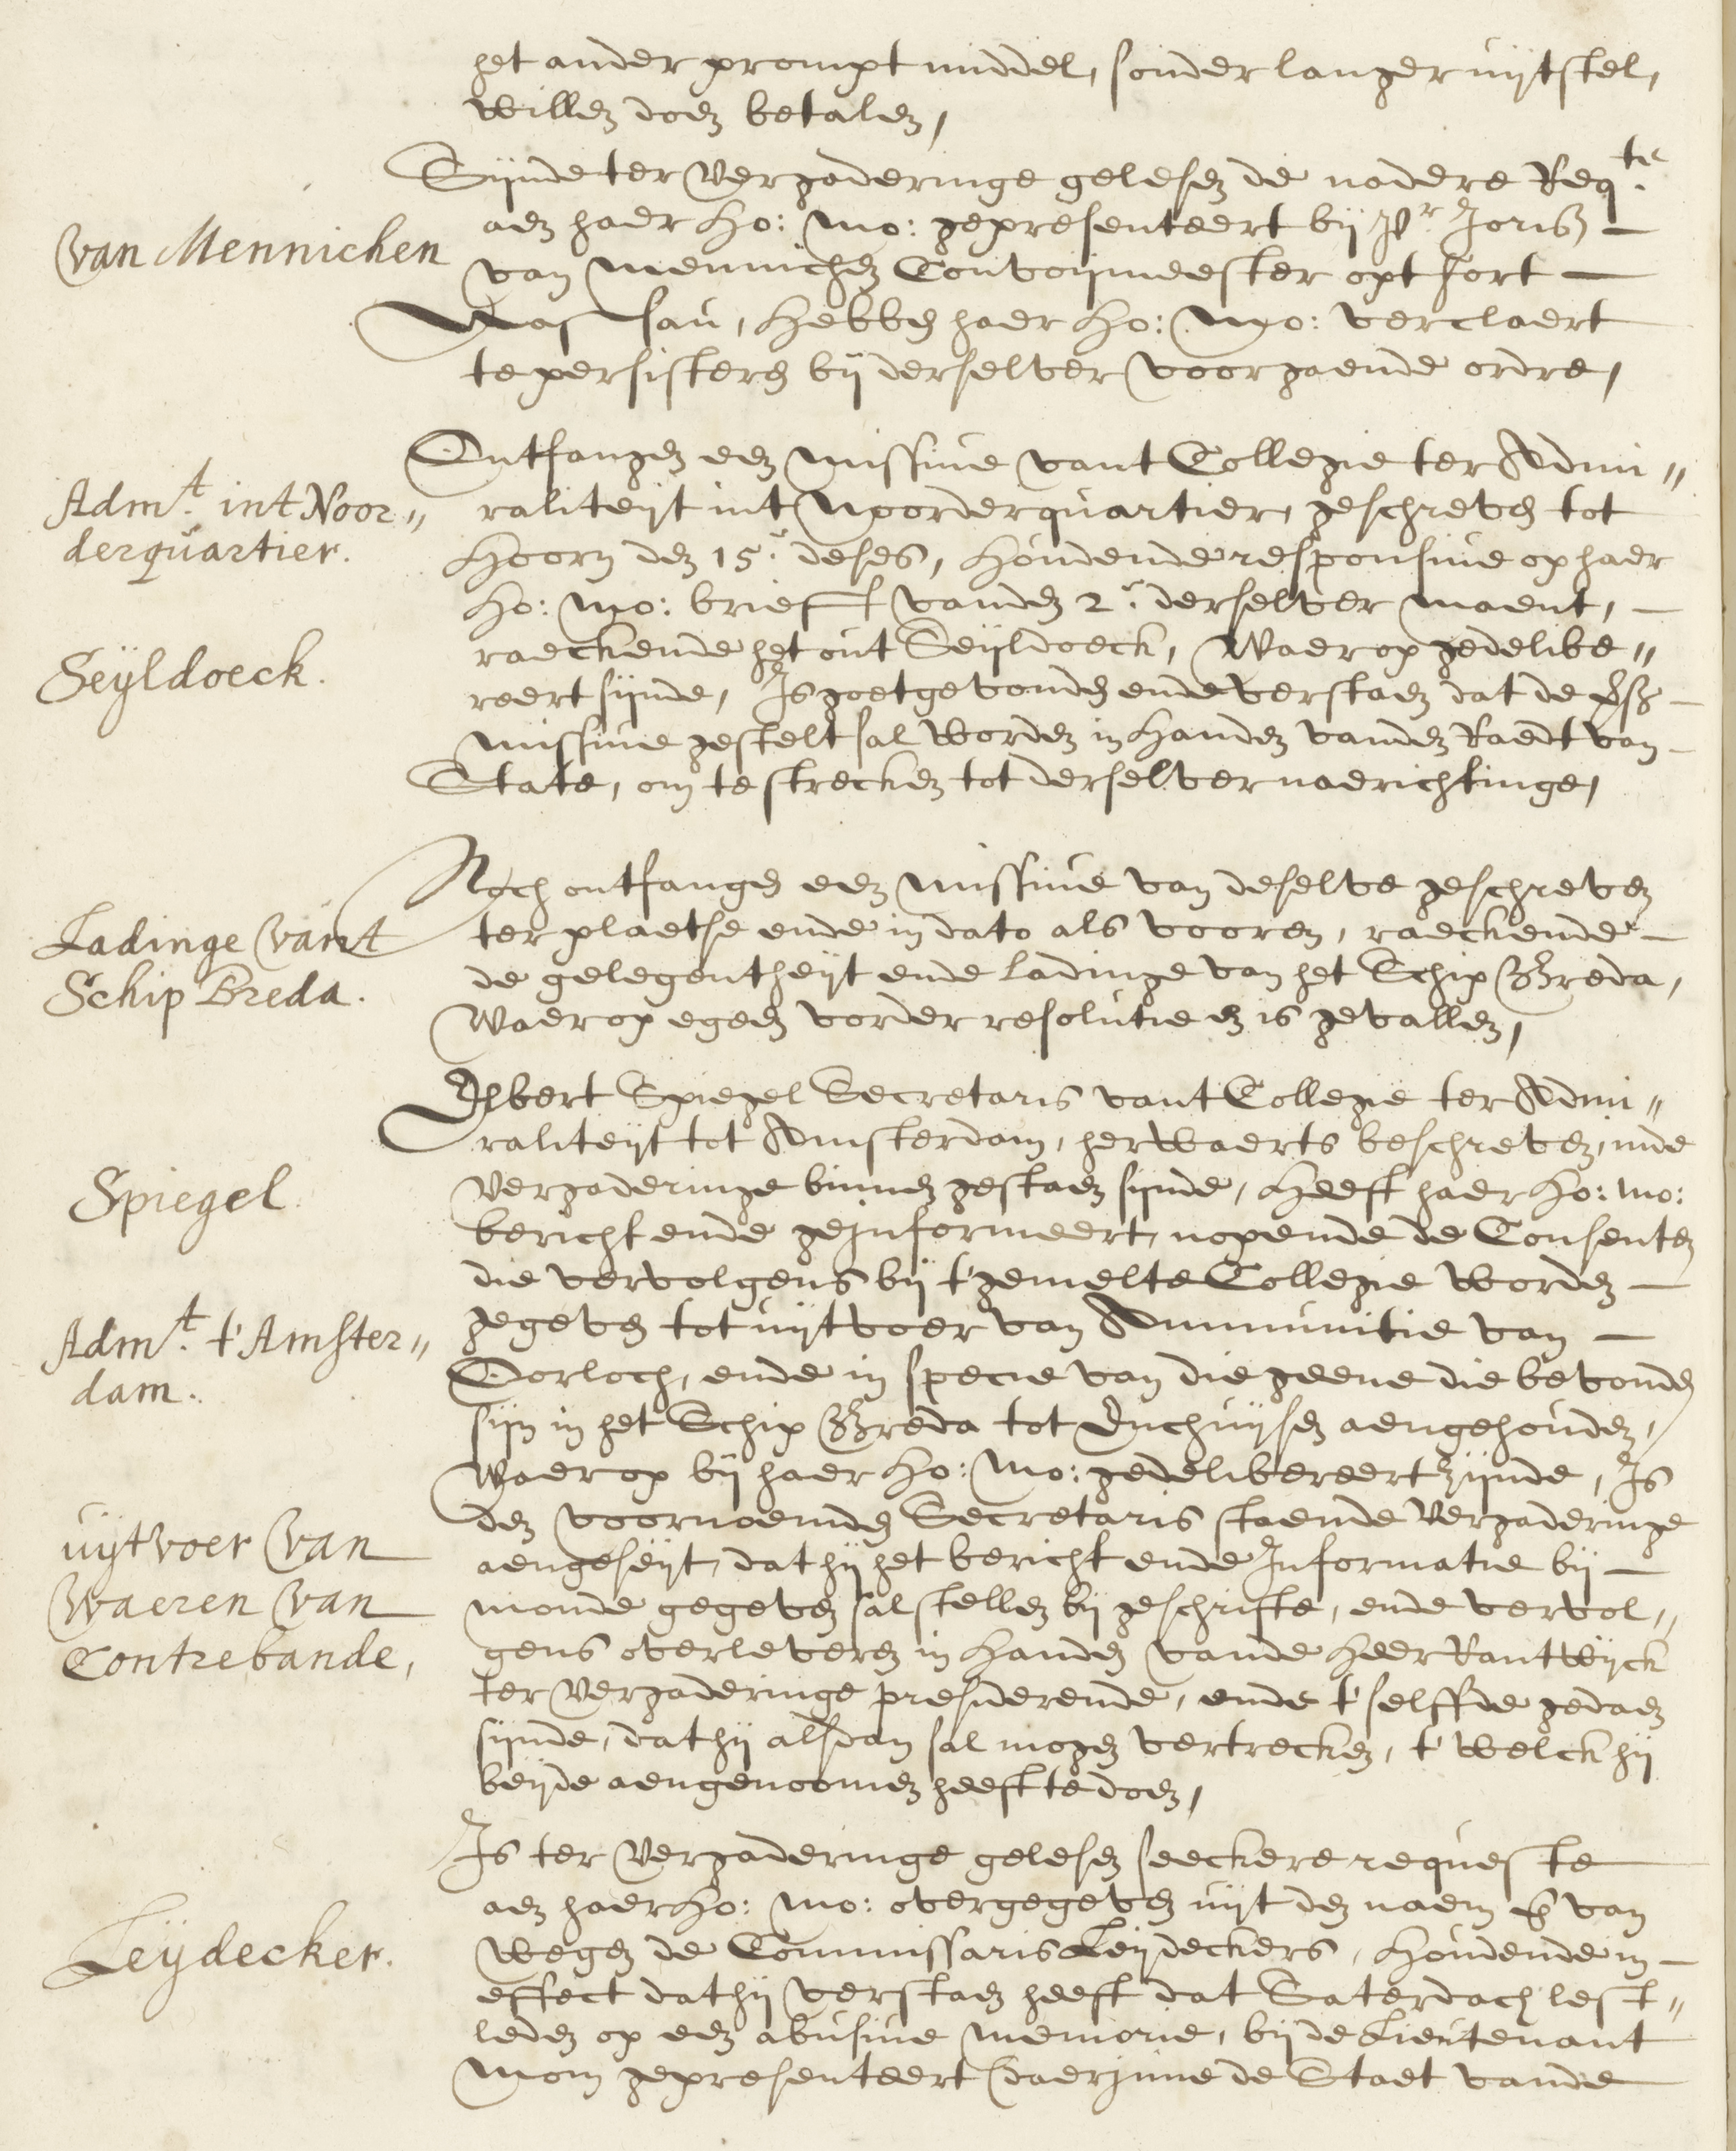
het ander prompt middel, sonder langer uijtstel,
willen doen betalen.
van Mennichen
Sijnde ter Vergaderinge gelesen de nadere Reqte.
aen haer Ho:Mo: gepresenteert bij Pr. Joris -
van mennichen Convoijmeester opt fort -
Nassau, hebben haer Ho:Mo: verclaert
te persisteren bij derselver voorgaende ordre.
Admt. int Noor„
derquartier.
Seijldoeck.
Ontfangen een missiue vant Collegie ter Admi„
raliteijt int Noorderquartier, geschreven tot
Hoorn den 15e. deses, houdende responsiue op haer
Ho:Mo: brieff vanden 2e. derselver maent,
raeckende het out Seijldoeck. Waerop gedelibe„
reert sijnde, Is goetgevonden ende verstaen dat de vs
missiue gestelt sal worden in handen vanden Raedt van
State, om te strecken tot derselver naerichtinge.
Ladinge vant
Schip Breda
Noch ontfangen een missiue van deselve geschreven
ter plaetse ende in dato als vooren, raeckende
de gelegentheijt ende ladinge van het Schip Breda,
Waerop egeen vorder resolutie en is gevallen
Spiegel.
Admt. t' Amster„
dam.
uijtvoer van
Waeren van
Contrebande,
Elbert Spiegel Secretaris vant Collegie ter Admi„
raliteijt tot Amsterdam, herwaerts beschreven, inde
Vergaderinge binnen gestaen sijnde, heeft haer Ho:Mo:
bericht ende geinformeert, nopende de Consenten
die vervolgens bij t'gemelte Collegie worden -
gegeven tot uijtvoer van Ammunitie van
Oorloch, ende in specie van die geene die bevonden
sijn in het Schip Breda tot Enchuijsen aengehouden.
Waerop bij haer Ho:Mo: gedelibereert zijnde, Is
den voornoemden Secretaris staende Vergaderinge
aengeseijt, dat hij het bericht ende Informatie bij -
monde gegeven sal stellen bij geschrifte, ende vervol„
gens overleveren in handen vande heer Rantwijck
ter Vergaderinge presiderende, ende t'selffde gedaen
sijnde, dat hij alsdan sal mogen vertrecken, t'welck hij
beijde aengenoomen heeft te doen.
Leijdecker.
Is ter Vergaderinge gelesen seeckere requeste
aen haer Ho:Mo: overgegeven uijt den naem & van
wegen de Commissaris Leijdeckers, houdende in
effect dat hij verstaen heeft dat Saterdach lest„
leden op een abusiue memorie, bij de Lieutenant
Mom gepresenteert (daerinne de Staet vande
